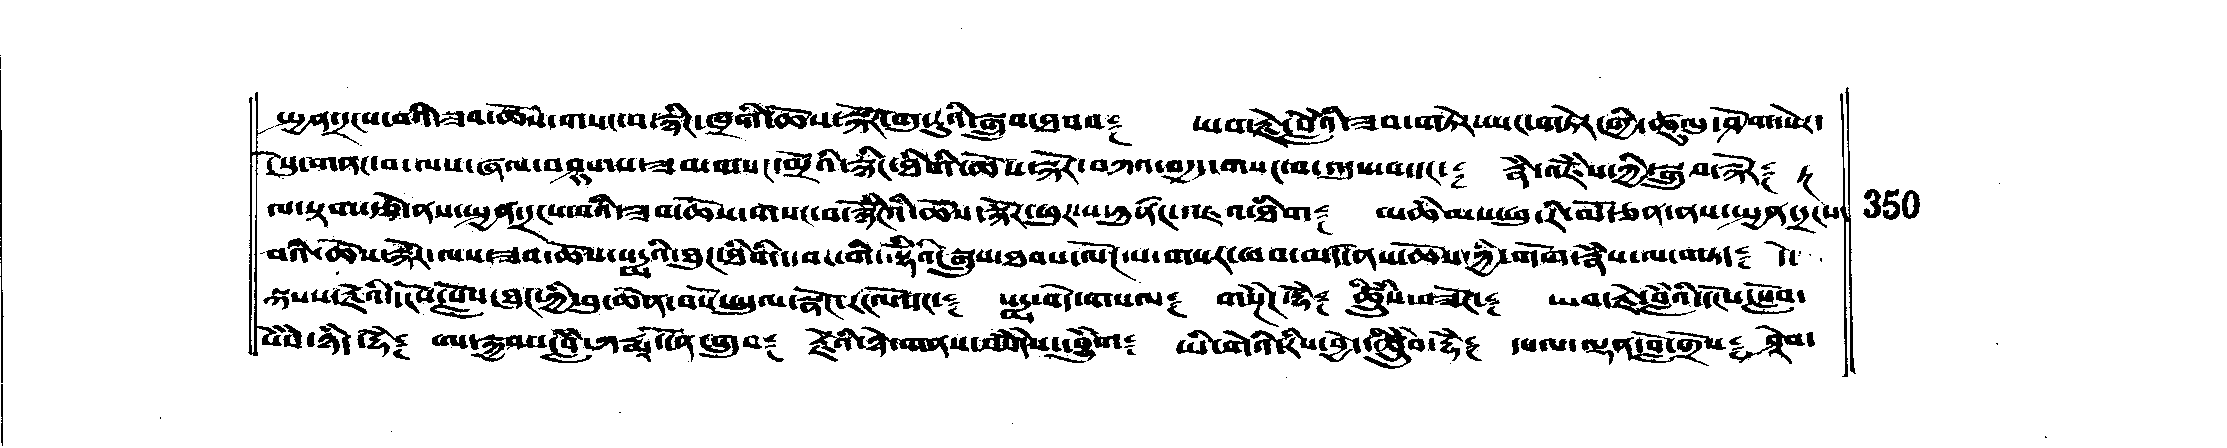སྤྱན་དྲངས་བའི་ཟབ་ཆོས་གསང་བ་སྙིང་ཁྲག་གི་ཆོས་སྐོར་གུ་རུའི་སྒྲུབ་ཐབས། ཡབ་རྗེ་བླ་མའི་ཟབ་གཏེར་ཡང་གཏེར་གྱི་ཚུལ་དུ་ཤོག་སེར་
དངོས་སུ་གནང་བ་ལས་ཞལ་བཤུས་ཟབ་གསང་མཁའ་འགྲོའི་སྙིང་ཐིག་གི་ཆོས་སྐོར་བཀའ་བརྒྱད་གསང་བ་འདུས་པ་དང་། རྣམ་འཇོམས་ཀྱི་སྒྲུབ་སྐོར། 
རྔ་ལ་སྟག་རྩེ་ནས་སྤྱན་དྲངས་པའི་ཟབ་ཆོས་གསང་བ་སྙིང་པོའི་ཆོས་སྐོར་ཕུར་པ་ཀུན་བཟང་འཇའ་ཐིག མཆིམས་ཕུ་རི་མོ་ཅན་ནས་སྤྱན་དྲངས་
པའི་ཆོས་སྐོར་ལས་ཟབ་ཆོས་པདྨའི་ཐུགས་ཐིག་གི་དབང་གི་ལྷ་མོའི་སྒྲུབ་ཐབས་ལ་སོགས་པ་གསར་ཕབ་མཛད་ནས་ཆོས་ཀྱི་བདག་པོ་རྣམས་ལ་གཏད། དེ་
སྐབས་རྗེའི་དངོས་སློབ་ཐུགས་ཀྱི་བུ་ཆེན་བསོ་སྤྲུལ་སྣ་ཚོགས་རང་གྲོལ་དང་། པདྨ་བདེ་གསལ། གསང་སྔགས་རྡོ་རྗེ། ཚུལ་ཁྲིམས་བཟང་པོ། ཡབ་རྗེ་བླ་མའི་དངོས་སློབ་
སེམས་ཉིད་རྡོ་རྗེ། ཨ་སྐྱབས་བླ་མ་ཀརྨ་དོན་གྲུབ། རྗེའི་ཉེ་གནས་བསོད་ནམས་དབང་ཕྱུག ཡི་གེའི་རིས་བྱེད་ཚུལ་ཁྲིམས་རྡོ་རྗེ། དཔལ་ལྡན་བློ་གྲོས། ཤེས་རབ་